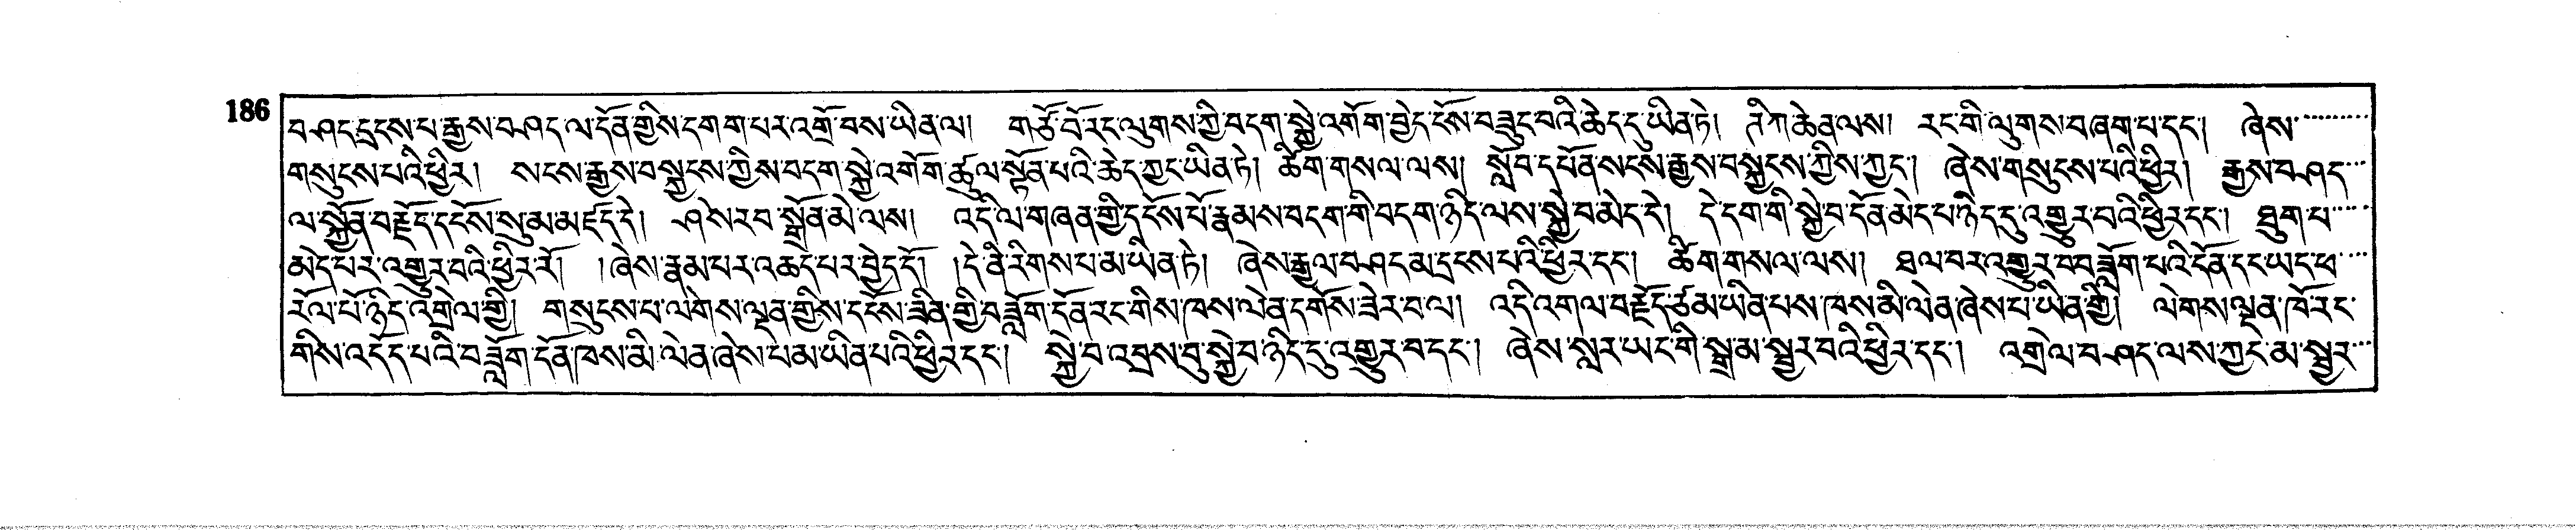བཤད་དྲངས་པ་རྒྱས་བཤད་ལ་དོན་གྱིས་དགག་པར་འགྲོ་བས་ཡིན་ལ། གཙོ་བོ་རང་ལུགས་ཀྱི་བདག་སྐྱེ་འགོག་བྱེད་ངོས་བཟུང་བའི་ཆེད་དུ་ཡིན་ཏེ། ཊིཀ་ཆེན་ལས། རང་གི་ལུགས་བཞག་པ་དང་། ཞེས་
གསུངས་པའི་ཕྱིར། སངས་རྒྱས་བསྐྱངས་ཀྱིས་བདག་སྐྱེ་འགོག་ཚུལ་སྟོན་པའི་ཆེད་ཀྱང་ཡིན་ཏེ། ཚིག་གསལ་ལས། སློབ་དཔོན་སངས་རྒྱས་བསྐྱངས་ཀྱིས་ཀྱང་། ཞེས་གསུངས་པའི་ཕྱིར། རྒྱས་བཤད་
ལ་སྐྱོན་བརྗོད་དངོས་སུ་མ་མཛད་དེ། ཤེས་རབ་སྒྲོན་མེ་ལས། འདི་ལ་གཞན་གྱི་དངོས་པོ་རྣམས་བདག་གི་བདག་ཉིད་ལས་སྐྱེ་བ་མེད་དེ། དེ་དག་གི་སྐྱེ་བ་དོན་མེད་པ་ཉིད་དུ་འགྱུར་བའི་ཕྱིར་དང་། ཐུག་པ་
མེད་པར་འགྱུར་བའི་ཕྱིར་རོ། །ཞེས་རྣམ་པར་འཆད་པར་བྱེད་དོ། །དེ་ནི་རིགས་པ་མ་ཡིན་ཏེ། ཞེས་རྒྱལ་བཤད་མ་དྲངས་པའི་ཕྱིར་དང་། ཚིག་གསལ་ལས། ཐལ་བར་འགྱུར་བ་བཟློག་པའི་དོན་དང་ཡང་ཕ་
རོལ་པོ་ཉིད་འགྲེལ་གྱི། གསུངས་པ་ལེགས་ལྡན་གྱིས་དངོས་ཟིན་གྱི་བཟློག་དོན་རང་གིས་ཁས་ལེན་དགོས་ཟེར་བ་ལ། འདི་འགལ་བརྗོད་ཙམ་ཡིན་པས་ཁས་མི་ལེན་ཞེས་པ་ཡིན་གྱི། ལེགས་ལྡན་ཁོ་རང་
གིས་འདོད་པའི་བཟློག་དོན་ཁས་མི་ལེན་ཞེས་པ་མ་ཡིན་པའི་ཕྱིར་དང་། སྐྱེ་བ་འབྲས་བུ་སྐྱེ་བ་ཉིད་དུ་འགྱུར་བ་དང་། ཞེས་སླར་ཡང་གི་སྒྲ་མ་སྦྱར་བའི་ཕྱིར་དང་། འགྲེལ་བཤད་ལས་ཀྱང་མ་སྦྱར་